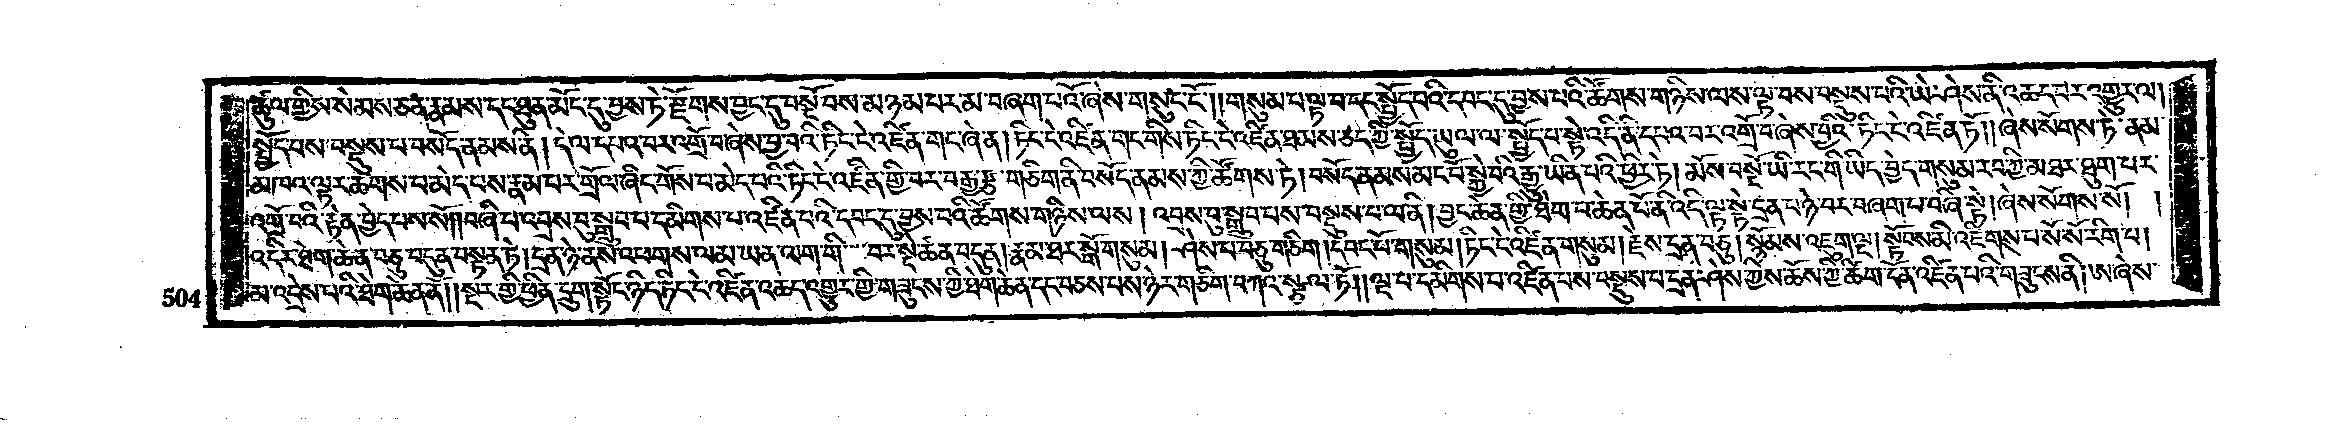ཚུལ་གྱིས་སེམས་ཅན་རྣམས་དང་ཐུན་མོང་དུ་བྱས་ཏེ་རྫོགས་བྱང་དུ་བསྔོ་བས་མཉམ་པར་མ་བཞག་པའོ་ཞེས་གསུང་ངོ། །གསུམ་པ་ལྟ་བ་དང་སྤྱོད་པའི་དབང་དུ་བྱས་པའི་ཚོགས་གཉིས་ལས་ལྟ་བས་བསྡུས་པའི་ཡེ་ཤེས་ནི་འཆད་པར་འགྱུར་ལ།
སྤྱོད་པས་བསྡུས་པ་བསོད་ནམས་ནི། དེ་ལ་དཔའ་བར་འགྲོ་བ་ཞེས་བྱ་བའི་ཏིང་ངེ་འཛིན་གང་ཞེ་ན། ཏིང་ངེ་འཛིན་གང་གིས་ཏིང་ངེ་འཛིན་ཐམས་ཅད་ཀྱི་སྤྱོད་ཡུལ་ལ་སྤྱོད་པ་སྟེ་འདི་ནི་དཔའ་བར་འགྲོ་བ་ཞེས་བྱའི་ཏིང་ངེ་འཛིན་ཏོ། །ཞེས་སོགས་ཏེ་ནམ་
མཁའ་ལྟར་ཆགས་པ་མེད་པས་རྣམ་པར་གྲོལ་ཞིང་གོས་པ་མེད་པའི་ཏིང་ངེ་འཛིན་གྱི་བར་བརྒྱ་རྩ་གཅིག་ནི་བསོད་ནམས་ཀྱི་ཚོགས་ཏེ། བསོད་ནམས་མང་པོ་སྐྱེ་བའི་རྒྱུ་ཡིན་པའི་ཕྱིར་ཏེ། མོས་བསྔོ་ཡི་རང་གི་ཡིད་བྱེད་གསུམ་རབ་ཀྱི་མཐར་ཐུག་པར་
འགྲོ་བའི་རྟེན་བྱེད་པས་སོ། །བཞི་པ་འབྲས་བུ་སྒྲུབ་པ་དམིགས་པ་འཛིན་པའི་དབང་དུ་བྱས་པའི་ཚོགས་གཉིས་ལས། འབྲས་བུ་སྒྲུབ་པས་བསྡུས་པ་ལ་ནི། བྱང་ཆེན་གྱི་ཐེག་པ་ཆེན་པོ་ནི་འདི་ལྟ་སྟེ་དྲན་པ་ཉེ་བར་བཞག་པ་བཞི་སྟེ། ཞེས་སོགས་སོ། །
འདིར་ཐེག་ཆེན་བཅུ་བདུན་བསྟན་ཏེ། དྲན་ཉེ་ནས་འཕགས་ལམ་ཡན་ལག་གི་བར་སྡེ་ཚན་བདུན། རྣམ་ཐར་སྒོ་གསུམ། ཤེས་པ་བཅུ་གཅིག །དབང་པོ་གསུམ། ཏིང་ངེ་འཛིན་གསུམ། རྗེས་དྲན་བཅུ། སྙོམས་འཇུག་ལྔ། སྟོབས་མི་འཇིགས་པ་སོ་སོ་རིག་པ།
མ་འདྲེས་པའི་ཐེག་ཆེན་ནོ། །སྔར་གྱི་ཕྱིན་དྲུག་སྟོང་ཉིད་ཏིང་ངེ་འཛིན་འཆད་འགྱུར་གྱི་གཟུངས་ཀྱི་ཐེག་ཆེན་དང་བཅས་པས་ཉེར་གཅིག་བཀའ་སྩལ་ཏོ། །ལྔ་པ་དམིགས་པ་འཛིན་པས་བསྡུས་པ་དྲན་ཤེས་ཀྱིས་ཆོས་ཀྱི་ཚིག་དོན་འཛིན་པའི་གཟུངས་ནི། ཨ་ཞེས་